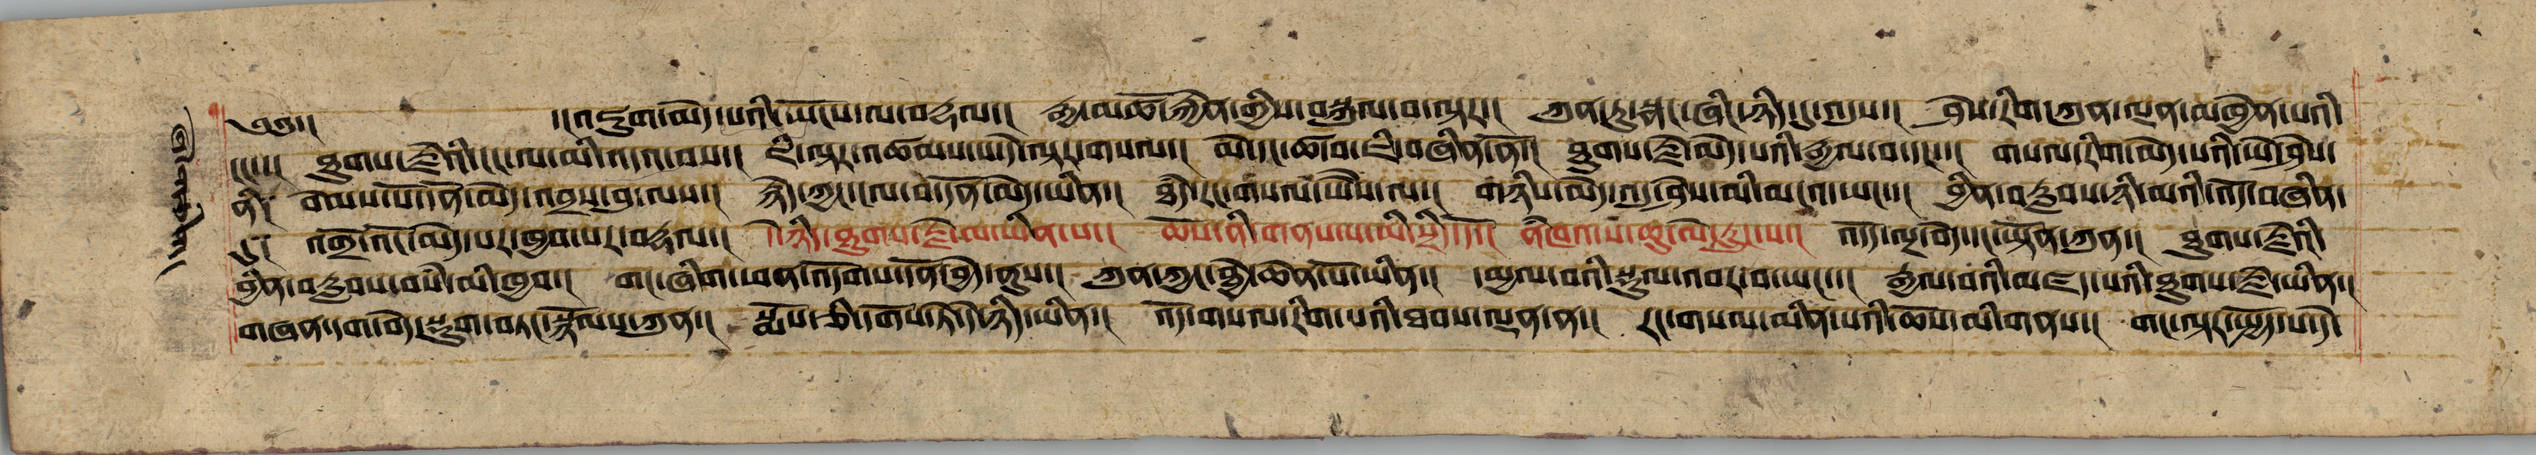༄༅་། ་།འཇུག་མེད་པའི་ཡོངས་ལ་བརྡལ་། རྒྱ་མཚོ་རྐྱེན་གྱིས་བསྐུལ་བ་ལྟར་། ཀུན་ཏུ་སྣང་ཞིང་ཉིད་དུ་འདུས་། ཤེས་རིག་ཀུན་ལྡན་མཁྱེན་པའི་
ངང་་། ཐུགས་་རྗེའི་ངང་ལ་མི་འདའ་བས་། ཇི་ལྟར་འཚམས་པ་དེ་ལྟར་གསལ་། མེ་དང་ཚ་བ་ཇི་བཞིན་ནོ་། ཐུགས་རྗེ་མེད་པའི་རྒྱལ་བ་དང་་། གསལ་རིག་མེད་པའི་ཡེ་ཤེས་
ནི༑ བེམས་པོ་དོན་མེད་འབྲས་བུ་ལས་། རྙེད་ཀྱང་ངལ་བ་དོན་མེད་ཡིན་། ཐཾད་རང་གསལ་ཡཻས་ལ་། གཉིས་མེད་འདུ་ཤེས་མི་མངའ་ཡང་་། བྱིན་བརླབས་ཉི་མའི་འདོ་བཞིན་
དུ༑ འགྲོ་འོང་མེད་པར་ཁྱབ་པར་བརྡལ་། དེ་ཉིད་ཐུགས་རྗེ་མ་་ཡིན་པ་། ཆོས་ནི་གནས་པ་མི་སྲིད་དོ་། ནཾཁའ་ས་ཆུ་མེ་རླུང་ས་། འདོད་ལྔ་བདེ་དང་ཡྟོན་ཀུན་། ཐུགས་རྗེའི་
བྱིན་བརླབས་བསཾ་མི་ཁྱབ་། གང་ཞིག་ཕན་འདོགས་དོན་བྱེད་ནུས་། ཀུན་ཀྱང་ཐྱེ་ཆེན་པོ་ཡིན་། དམྱལ་བའི་སྡུལ་འབར་བ་ཡང་་། རྒྱལ་བའི་མཛད་པའི་ཐུགས་རྗེ་ཡིན་།
གཞན་དག་བདེ་སྡུག་བཏང་སྙོམས་ཀུན་། སྨོས་ཅི་དགོས་ཏེ་དེ་ཉིད་ཡིན་། འོད་གསལ་རིག་པའི་ཐབས་ལྡན་ན་། རང་གསལ་མིན་པའི་ཆོས་མི་གནས་། གང་ལྟར་སྤྱོད་པ་དེ་